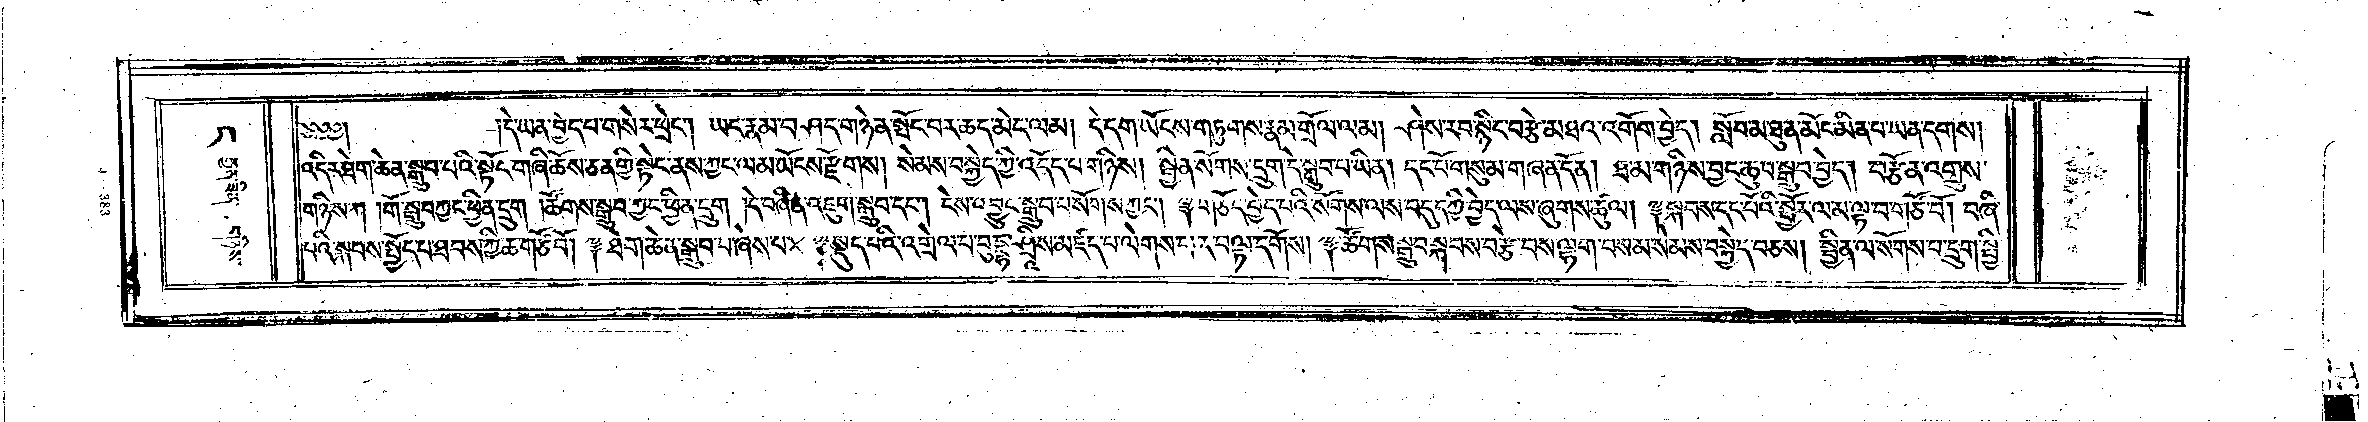༄༅༅། །དེ་ཡན་བྱེད་པ་གསེར་ཕྲེང་། ཡང་རྣམ་བཤད་གཉེན་སྤོང་བར་ཆད་མེད་ལམ། དེ་དག་ཡོངས་གཏུགས་རྣམ་གྲོལ་ལམ། ཤེས་རབ་སྙིང་བརྩེ་མཐའ་འགོག་བྱེད། སློབ་མཐུན་མོང་མིན་པ་ཡན་དགས།
འདིར་ཐེག་ཆེན་སྒྲུབ་པའི་སྟོང་གཞི་ཆོས་ཅན་གྱི་སྟེང་ནས་ཀྱང་ལམ་ཡོངས་རྫོགས། སེམས་བསྐྱེད་ཀྱི་འདོད་པ་གཉིས། སྦྱིན་སོགས་དྲུག་དེ་སྒྲུབ་པ་ཡིན། དང་པོ་གསུམ་གཞན་དོན། ཐ་མ་གཉིས་བྱང་ཆུབ་སྒྲུབ་བྱེད། བརྩོན་འགྲུས་
གཉིས་ཀ །གོ་སྒྲུབ་ཀྱང་ཕྱིན་དྲུག །ཚོགས་སྒྲུབ་ཀྱང་ཕྱིན་དྲུག །དེ་བཞིན་འཇུག་སྒྲུབ་དང་། ངེས་འབྱུང་སྒྲུབ་པ་སོགས་ཀྱང་། ༈ གཅོད་བྱེད་པའི་སོགས་ལས་བདུད་ཀྱི་བྱེད་ལས་ཞུགས་ཚུལ། ༈ སྐབས་དང་པོའི་སྦྱོར་ལམ་ལྟ་བ་གཙོ་བོ། བཞི་
པའི་སྐབས་སྤྱོད་པ་ཐབས་ཀྱི་ཆ་གཙོ་བོ། ༈ ཐེག་ཆེན་སྒྲུབ་པ་ཞེས་པ་྾་༈ སྡུད་པའི་འགྲེལ་པ་བུདྡྷ་ཤྲཱིས་མཛད་པ་ལེགས་པར་བལྟ་དགོས། ༈ ཚོགས་སྒྲུབ་སྐབས་བརྩེ་བས་ལྷག་བསམ་སེམས་བསྐྱེད་བཅས། སྦྱིན་ལ་སོགས་པ་དྲུག་སྤྱི་